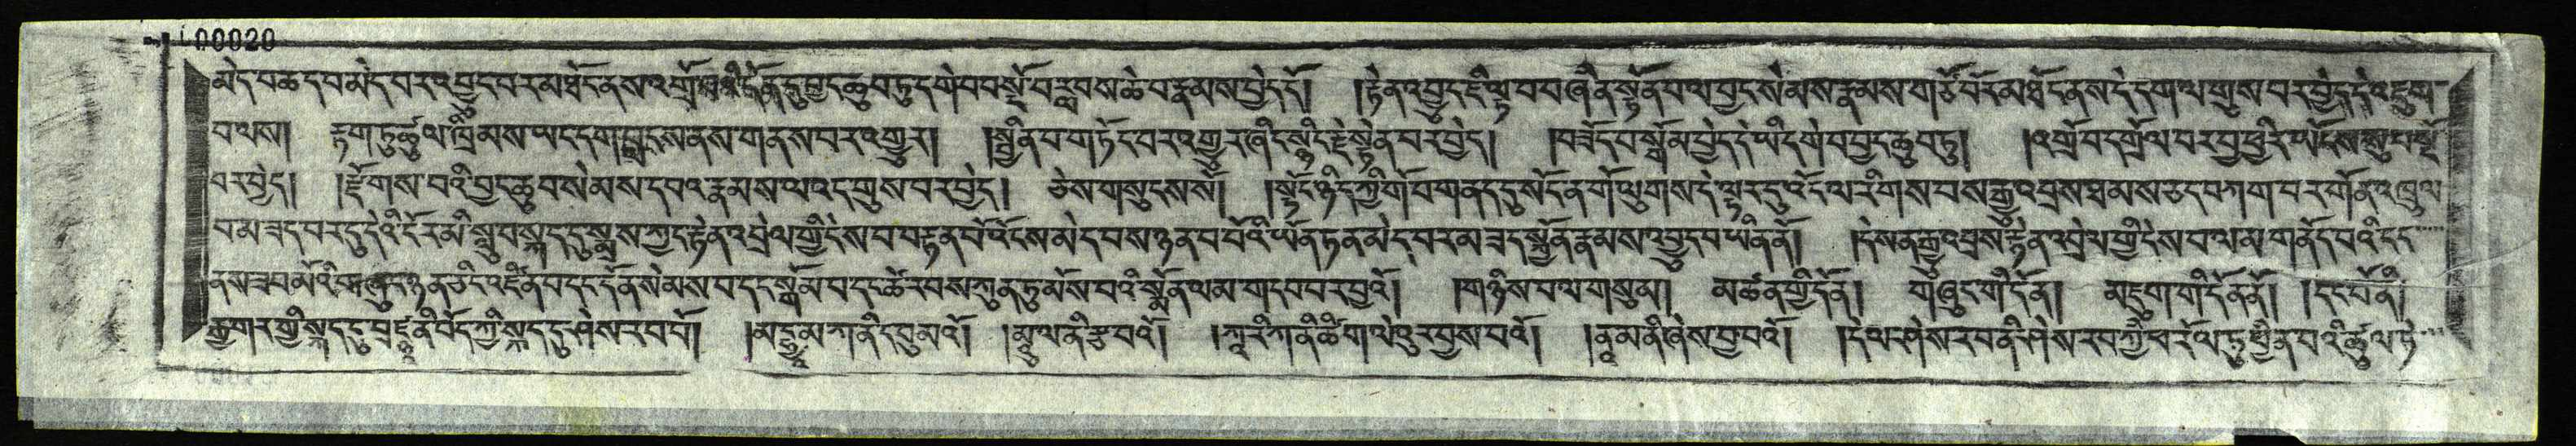མེད་པ་ཆད་པ་མེད་པར་འབྱུང་བར་མཐོང་ནས་འགྲོ་བའི་དོན་དུ་བྱང་ཆུབ་ཏུ་དགེ་བ་བསྔོ་བ་རླབས་ཆེ་བ་རྣམས་བྱེད་དོ། །རྟེན་འབྱུང་ཇི་ལྟ་བ་བཞིན་སྟོན་པ་ལ་བྱང་སེམས་རྣམས་གཙོ་བོར་མཐོང་ནས་དེ་དག་ལ་གུས་པར་བྱེད་དེ་འཇུག་
པ་ལས། རྟག་ཏུ་ཚུལ་ཁྲིམས་ཡང་དག་བླངས་ནས་གནས་པར་འགྱུར། །སྦྱིན་པ་གཏོང་བར་འགྱུར་ཞིང་སྙིང་རྗེ་སྟེན་པར་བྱེད། །བཟོད་པ་སྒོམ་བྱེད་དེ་ཡི་དགེ་བ་བྱང་ཆུབ་ཏུ། །འགྲོ་བ་དགྲོལ་བར་བྱ་ཕྱིར་ཡོངས་སུ་བསྔོ་
བར་བྱེད། །རྫོགས་པའི་བྱང་ཆུབ་སེམས་དཔའ་རྣམས་ལའང་གུས་པར་བྱེད། ཅེས་གསུངས་སོ། །སྟོང་ཉིད་ཀྱི་གོ་བ་གནད་དུ་སོང་ན་གོ་ལུགས་དེ་ལྟར་དུ་འོང་ལ་རིགས་པས་རྒྱུ་འབྲས་ཐམས་ཅད་བཀག་པར་གོན་འཁྲུལ་
པ་མ་ཟད་པར་དུ་དེའི་ངོར་མི་སླུ་བ་སྐད་དུ་སྨྲས་ཀྱང་རྟེན་འབྲེལ་གྱི་ངེས་པ་བརྟན་པོ་འོངས་མེད་པས་ཉན་པ་པོའི་ཡོན་ཏན་མེད་པར་མ་ཟད་སྐྱོན་རྣམས་འབྱུང་བ་ཡིན་ནོ། །དེས་ན་རྒྱུ་འབྲས་རྟེན་འབྲེལ་གྱི་ངེས་པ་ལ་མ་གནོད་པའི་དང་
ནས་ཟབ་མོའི་གཞུང་ཉན་ཅིང་འཛིན་པ་དང་དོན་སེམས་པ་དང་སྒོམ་པ་དང་ཚེ་རབས་ཀུན་ཏུ་མོས་པའི་སྨོན་ལམ་གདབ་པར་བྱའོ། །གཉིས་པ་ལ་གསུམ། མཚན་གྱི་དོན། གཞུང་གི་དོན། མཇུག་གི་དོན་ནོ། །དང་པོ་ནི།
རྒྱ་གར་གྱི་སྐད་དུ་པྲ་ཛྙཱ་ནི་བོད་ཀྱི་སྐད་དུ་ཤེས་རབ་པོ། །མ་དྷྱཱ་མ་ཀ་ནི་དབུ་མའོ། །མཱུ་ལ་ནི་རྩ་བའོ། །ཀཱ་རི་ཀ་ནི་ཚིག་ལེའུར་བྱས་པའོ། །ནཱ་མ་ནི་ཞེས་བྱ་བའོ། །དེ་ལ་ཤེས་རབ་ནི་ཤེས་རབ་ཀྱི་ཕ་རོལ་ཏུ་ཕྱིན་པའི་ཚུལ་ཏེ་